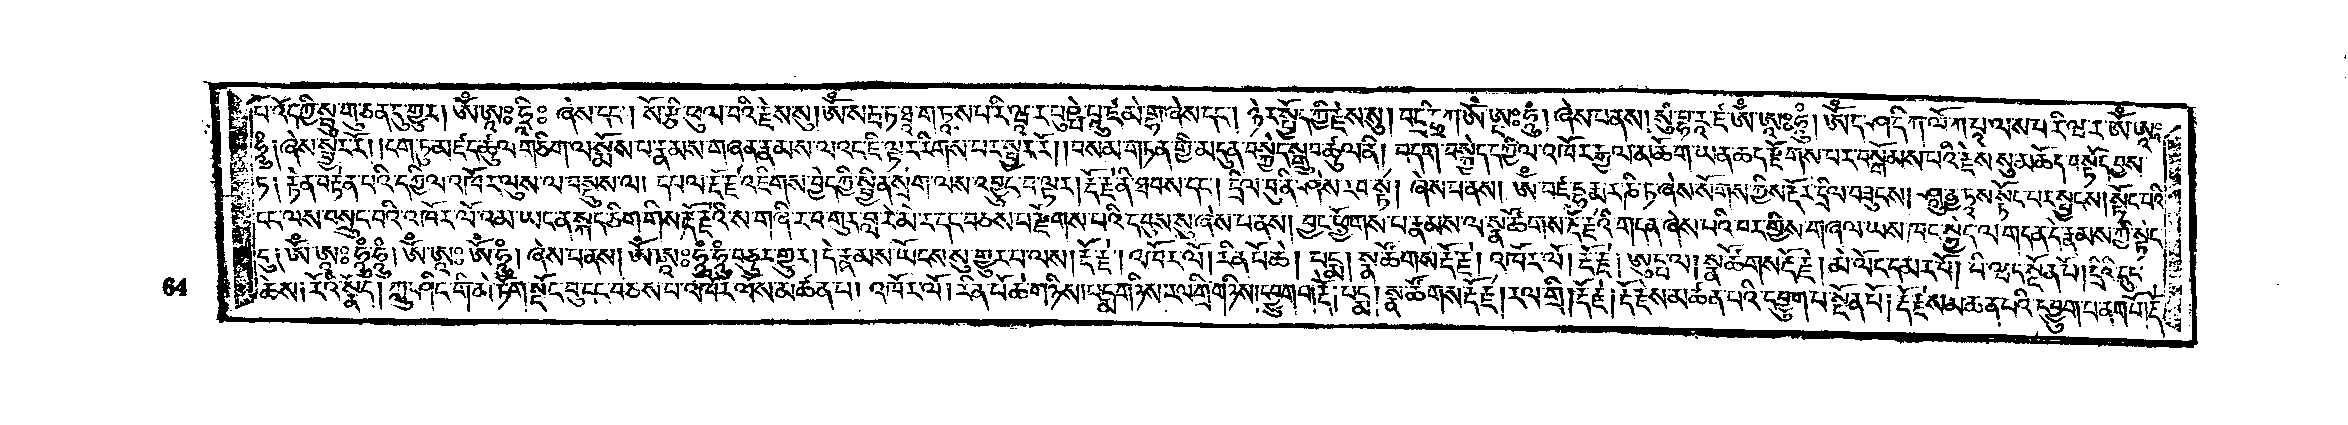པོ་འོད་ཀྱི་སྦུ་གུ་ཅན་དུ་གྱུར། ཨོཾ་ཨཱཿ ཧྲཱིཿ ཞེས་དང་། སོ་རྩི་ཕུལ་བའི་རྗེས་སུ། ཨོཾ་སརྦ་ཏ་ཐཱ་ག་ཏཱ་ས་པ་རི་ཝཱ་ར་པུཥྤེ་པཱུ་ཛ་མེ་གྷ་ཞེས་དང་། ཉེར་སྤྱོད་ཀྱི་རྗེས་སུ། བཛྲ་དྷྲི་ཀ་ཨོཾ་ཨཱཿ ཧཱུཾ། ཞེས་པ་ནས། སུཾ་བྷ་རཱ་ཛ་ཨོཾ་ཨཱཿ ཧཱུཾ། ཨོཾ་ད་ཤ་དི་ཀ་ལོ་ཀ་པཱ་ལ་ས་པ་རི་ཝཱ་ར་ཨོཾ་ཨཱཿ
ཧཱུཾ། ཞེས་སྦྱར་རོ། །ངག་ཏུ་མཛད་ཚུལ་གཅིག་ལ་སྨོས་པ་རྣམས་གཞན་རྣམས་ལའང་ཇི་ལྟར་རིགས་པར་སྦྱར་རོ། །བསམ་གཏན་གྱི་མདུན་བསྐྱེད་སྒྲུབ་ཚུལ་ནི། བདག་བསྐྱེད་དཀྱིལ་འཁོར་རྒྱལ་མཆོག་ཡན་ཆད་རྫོགས་པར་བསྒོམས་པའི་རྗེས་སུ་མཆོད་བསྟོད་བྱས་
ཏེ། རྟེན་བརྟེན་པའི་དཀྱིལ་འཁོར་ལུས་ལ་བསྡུས་ལ། དཔལ་རྡོ་རྗེ་འཇིགས་བྱེད་ཀྱི་སྦྱིན་སྲེག་ལས་འབྱུང་བ་ལྟར། རྡོ་རྗེ་ནི་ཐབས་དང་། དྲིལ་བུ་ནི་ཤེས་རབ་སྟེ། ཞེས་པ་ནས། ཨོཾ་བཛྲ་དྷ་རྨ་ར་ཎྀ་ཏ་ཞེས་སོགས་ཀྱིས་རྡོར་དྲིལ་བཟུངས། ཤཱུ་ཎཡ་ཏཱས་སྟོང་པར་སྦྱངས། སྟོང་པའི་
ངང་ལས་བསྲུང་བའི་འཁོར་ལོ་འམ་ཡང་ན་སྐད་ཅིག་གིས་རྡོ་རྗེའི་ས་གཞི་ར་བ་གུར་བླ་རེ་མེ་ར་དང་བཅས་པ་རྫོགས་པའི་དབུས་སུ་ཞེས་པ་ནས། བྱང་ཕྱོགས་པ་རྣམས་ལ་སྣ་ཚོགས་རྡོ་རྗེའི་གདན་ཞེས་པའི་བར་གྱིས་གཞལ་ཡས་ཁང་སྐྱེད་ལ་གདན་དེ་རྣམས་ཀྱི་སྟེང་
དུ། ཨོཾ་ཨཱཿ ཧཱུཾ་ཧཱུཾ། ཨོཾ་ཨཱཿ ཨོཾ་ཧཱུཾ། ཞེས་པ་ནས། ཨོཾ་ཨཱཿ ཧཱུཾ་ཧཱུཾ་བཅུར་གྱུར། དེ་རྣམས་ཡོངས་སུ་གྱུར་པ་ལས། རྡོ་རྗེ། འཁོར་ལོ། རིན་པོ་ཆེ། པདམ། སྣ་ཚོགས་རྡོ་རྗེ། འཁོར་ལོ། རྡོ་རྗེ། ཨུདཔ་ལ། སྣ་ཚོགས་རྡོ་རྗེ། མེ་ལོང་དམར་པོ། པི་ཝང་སྔོན་པོ། དྲིའི་དུང་
ཆེས། རོའི་སྣོད། ཀླུ་ཤིང་གི་མེ་ཏོག་སྡོང་བུ་དང་བཅས་པ་འཁོར་ལོས་མཚན་པ། འཁོར་ལོ། རིན་པོ་ཆེ་གཉིས། པདམ་གཉིས། རལ་གྲི་གཉིས། དབྱུག་པ། རྡོ་རྗེ། པདམ། སྣ་ཚོགས་རྡོ་རྗེ། རལ་གྲི། རྡོ་རྗེ། རྡོ་རྗེས་མཚན་པའི་དབྱུག་པ་སྔོན་པོ། རྡོ་རྗེས་མཚན་པའི་དབྱུག་པ་ནག་པོ། རྡོ་